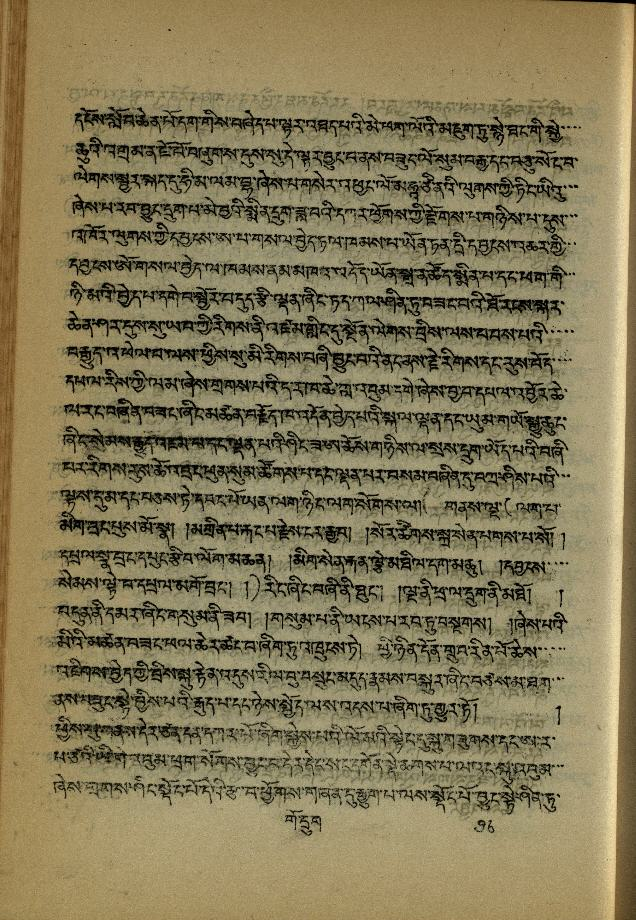དངོས་སློབ་ཆེན་པོ་དག་གིས་བཞེད་པ་ལྟར་འཐད་པའི་མེ་ཕག་ལོའི་མཇུག་ཏུ་སྙེ་ཐང་གི་སྐྱེ་
ཆུའི་འགྲམ་ན་ཇོ་བོ་བཞུགས་དུས་སུ་དེ་ལྟར་བྱུང་བ་ནས་བཟུང་ལོ་སུམ་བརྒྱ་དང་བཅུ་སོང་བ་
ལེགས་སྦྱར་སྐད་དུ་ཧི་མ་ལམ་བྷ་ཞེས་པ་གསེར་འཕྱང་ལོ་མཧཱ་ཙི་ནའི་ལུགས་ཀྱི་ཏིང་ཡིའུ་
ཞེས་པ་རབ་བྱུང་དྲུག་པ་མེ་བྱའི་སྨིན་དྲུག་ཟླ་བའི་དཀར་ཕྱོགས་ཀྱི་རྫོགས་པ་གཉིས་པ་དུས་
འཁོར་ལུགས་ཀྱི་དབྱངས་ཨ་པ་གསལ་བྱེད་ཏལ་ཁམས་པ་ཡོན་ཏན་དྲི་དབྱངས་འཆར་གྱི་
དབྱངས་ཨོ་གསལ་བྱེད་ལ་ཁམས་ནམ་མཁའ་འདོད་ཡོན་སྒྲ་ན་ཚོད་སྨིན་པ་དང་ཕག་གི་
ཉི་མའི་བྱེད་པ་དགེ་བ་སྦྱོར་བདུད་རྩི་ལྡན་ཞིང་ཚད་གལ་ཤིན་ཏུ་བཟང་བའི་ཐོ་རངས་སྐར་
ཆེན་ཤར་དུས་སུ་ཡབ་ཀྱི་རིགས་ནི་འཛམ་གླིང་དུ་སྔོན་ལེགས་བྲིས་ལས་བབས་པའི་
བརྒྱུད་འཕེལ་བ་ལས་ཕྱིས་སུ་མི་རིགས་བཞི་བྱུང་བའི་ནང་ནས་རྗེ་རིགས་དང་རུས་བོད་
དཔལ་རིས་ཀྱི་ལམ་ཞེས་གྲགས་པའི་ད་ར་ཁ་ཆེ་ཀླ་འབུམ་དགེ་ཞེས་བྱ་བ་དཔལ་འབྱོར་ཆེ་
ལ་རང་བཞིན་བཟང་ཞིང་མཚན་བརྗོད་ཁ་འདོན་བྱེད་པའི་སྐལ་ལྡན་དང་ཡུམ་གཡོ་སྒྱུ་ཆུང་
ཞིང་སེམས་རྒྱུད་འཇམ་བ་དང་ལྡན་པའི་ཤིང་ཟ་ཨ་ཆོས་གཉིས་ལ་སྲས་དྲུག་ཡོད་པའི་བཞི་
བར་རིགས་རུས་ཆོ་འབྲང་ཕུན་སུམ་ཚོགས་པ་དང་ལྡན་པར་བསམ་བཞིན་དུ་བཀྲ་ཤིས་པའི་
ལྟས་དུ་མ་དང་བཅས་ཏེ་དབང་པོ་ཡན་ལག་ཉིང་ལག་སོགས་ལ། གནས་ལྔ་ལག་པ་
མིག་བྲང་པུས་མོ་སྣ། །མགྲིན་པ་རྐང་པ་རྗེས་ངར་རྒྱབ། །སོར་ཚིགས་སྐྲ་སེན་པགས་པ་སོ། །
དཔྲལ་སྣ་བྲང་དབུང་རྩིབ་ལོག་མཆན། །མིག་སེན་རྐན་ལྕེ་མཐིལ་དག་མཆུ། །དབྱངས་
སེམས་ལྟེ་བ་དཔྲལ་མགོ་བྲང་། ། རིང་ཞིང་བཞི་ནི་ཐུང་། །ལྔ་ནི་ཕྲ་ལ་དྲུག་ནི་མཐོ། །
བདུན་འདི་མར་ཞིང་གསུམ་ནི་ཟབ། །གསུམ་པ་ནི་ཡངས་པ་རབ་ཏུ་བསངས། །ཞེས་པའི་
མིའི་མཚན་བཟང་ཕལ་ཆེར་ཚང་བ་ཞིག་ཏུ་འཁྲུངས་ཏེ། ཕྱི་ཉིན་དོན་གྲུབ་རིན་པོ་ཆེས་
འཇིགས་བྱེད་ཀྱི་བྲིས་སྐུ་རྟེན་འདུས་རི་ལ་བུ་བསྲུང་མདུད་རྣམས་བསྐུར་ཞིང་བཙས་མ་ཐག་
ནས་བཟུང་སྟེ་བྱིས་པའི་རྒུད་པ་དང་ཉེས་སྤྱོད་ལས་འདས་པ་ཞིག་ཏུ་གྱུར་ཏོ། །
ཕྱིས་སུ་གནས་དེར་ཙན་དན་དཀར་པོ་ཞིག་སྐྱེས་པའི་ལོ་མའི་སྟེང་དུ་སྐུ་གཟུགས་དང་ཨ་ར་
པ་ཙའི་ཡིག་འབུམ་ཕྲག་སོགས་བྱུང་བ་དེར་དེང་སང་དགོན་སྡེ་ཆགས་པ་ལའང་སྐུ་འབུམ་
ཞེས་གྲགས་ཤིང་སྡོང་པོ་དེའི་རྩ་བ་ཕྱོགས་གཞན་དུ་རྒྱུག་པ་ལས་སྡོང་པོ་བྱུང་སྟེ་ཤིན་ཏུ་